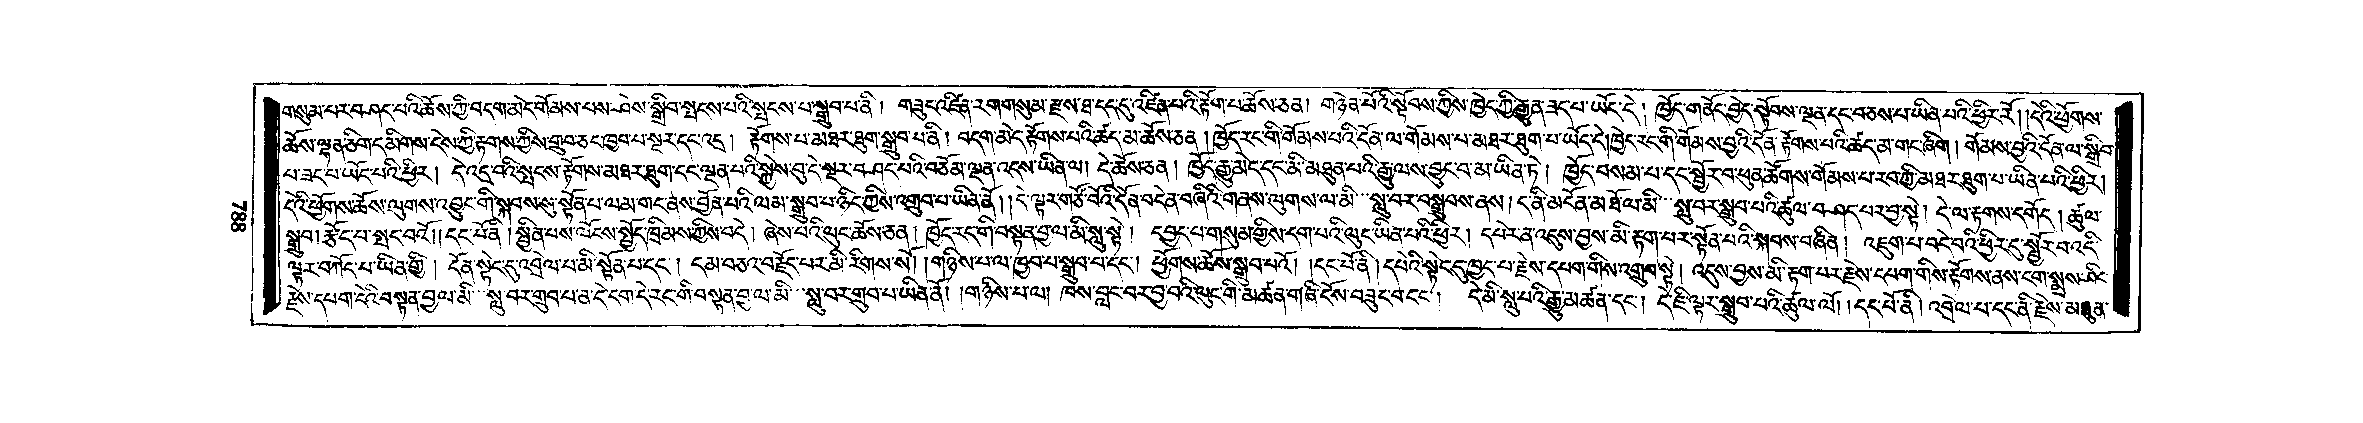གསུམ་པར་བཤད་པའི་ཆོས་ཀྱི་བདག་མེད་གོམས་པས་ཤེས་སྒྲིབ་སྤངས་པའི་སྤངས་པ་སྒྲུབ་པ་ནི། གཟུང་འཛིན་རག་གསུམ་རྫས་ཐ་དད་དུ་འཛིན་པའི་རྟོག་པ་ཆོས་ཅན། གཉེན་པོའི་སྟོབས་ཀྱིས་ཁྱེད་ཀྱི་རྒྱུན་ཟད་པ་ཡོད་དེ། ཁྱོད་གནོད་བྱེད་སྟོབས་ལྡན་དང་བཅས་པ་ཡིན་པའི་ཕྱིར་རོ། །དེའི་ཕྱོགས་
ཆོས་ལྷན་ཅིག་དམིགས་དེས་ཀྱི་རྟགས་ཀྱིས་གྲུབ་ཅང་ཁྱབ་པ་སྔར་དང་འདྲ། རྟོགས་པ་མཐར་ཐུག་སྒྲུབ་པ་ནི། བདག་མེད་རྟོགས་པའི་ཚད་མ་ཆོས་ཅན། ཁྱོད་རང་གི་གོམས་པའི་དོན་ལ་གོམས་པ་མཐར་ཐུག་པ་ཡོད་དེ། ཁྱེད་རང་གི་གོམས་བྱའི་དོན་རྟོགས་པའི་ཚད་མ་གང་ཞིག །གོམས་བྱའི་དོན་ལ་སྒྲིབ་
པ་ཟད་པ་ཡོད་པའི་ཕྱིར། དེ་འདྲ་བའི་སྤངས་རྟོགས་མཐར་ཐུག་དང་ལྡན་པའི་སྐྱེས་བུ་དེ་སྔར་བཤད་པའི་བཅོམ་ལྡན་འདས་ཡིན་ལ། དེ་ཆོས་ཅན། ཁྱོད་རྒྱུ་མེད་དང་མི་མཐུན་པའི་རྒྱུ་ལས་བྱུང་བ་མ་ཡིན་ཏེ། ཁྱོད་བསམ་པ་དང་སྦྱོར་བ་ཕུན་ཚོགས་གོམས་པ་རབ་ཀྱི་མཐར་ཐུག་པ་ཡིན་པའི་ཕྱིར།
དེའི་ཕྱོགས་ཆོས་ལུགས་འབྱུང་གི་སྐབས་སུ་སྟོན་པ་ལམ་གང་ནས་བྱོན་པའི་ལམ་སྒྲུབ་པ་ཉིད་ཀྱིས་འགྲུབ་པ་ཡིན་ནོ། །དེ་ལྟར་གཙོ་བོའི་དོན་བདེན་བཞིའི་གནས་ལུགས་ལ་མི་སླུ་བར་བསྒྲུབ་ནས། ད་ནི་མངོན་མཐོ་ལ་མི་སླུ་བར་སྒྲུབ་པའི་ཚུལ་བཤད་པར་བྱ་སྟེ། དེ་ལ་རྟགས་དགོད། ཚུལ་
སྒྲུབ། རྩོད་པ་སྤང་བའོ། །དང་པོ་ནི། སྦྱིན་པས་ལོངས་སྤྱོད་ཁྲིམས་ཀྱིས་བདེ། ཞེས་པའི་ལུང་ཆོས་ཅན། ཁྱོད་རང་གི་བསྟན་བྱ་ལ་མི་སླུ་སྟེ། དཔྱད་པ་གསུམ་གྱིས་དག་པའི་ལུང་ཡིན་པའི་ཕྱིར། དཔེར་ན་འདུས་བྱས་མི་རྟག་པར་སྟོན་པའི་སྐབས་བཞིན། འཇུག་པ་བདེ་བའི་ཕྱིར་དུ་སྦྱོར་བ་འདི་
ལྟར་བཀོད་པ་ཡིན་གྱི། དོན་སྟེང་དུ་འབྲེལ་པ་མི་སྟོན་པ་དང་། དམ་བཅའ་བརྗོད་པར་མི་རིགས་སོ། །གཉིས་པ་ལ་ཁྱབ་པ་སྒྲུབ་པ་དང་། ཕྱོགས་ཆོས་སྒྲུབ་པའོ། །དང་པོ་ནི། དཔེའི་སྟེང་དུ་ཁྱད་པ་རྗེས་དཔག་གིས་འགྲུབ་སྟེ། འདུས་བྱས་མི་རྟག་པར་རྗེས་དཔག་གིས་རྟོགས་ནས་ངག་སྨྲས་ཤིང་
རྗེས་དཔག་དེའི་བསྟན་བྱ་ལ་མི་སླུ་བར་གྲུབ་པ་ན་དེ་དག་དེ་རང་གི་བསྟན་བྱ་ལ་མི་སླུ་བར་གྲུབ་པ་ཡིན་ནོ། །གཉིས་པ་ལ། ཁས་བླང་བར་བྱ་བའི་ལུང་གི་མཚན་གཞི་ངོས་བཟུང་བ་དང་། དེ་མི་སླུ་པའི་རྒྱུ་མཚན་དང་། དེ་ཇི་ལྟར་སྒྲུབ་པའི་ཚུལ་ལོ། །དང་པོ་ནི། འབྲེལ་པ་དང་ནི་རྗེས་མཐུན་